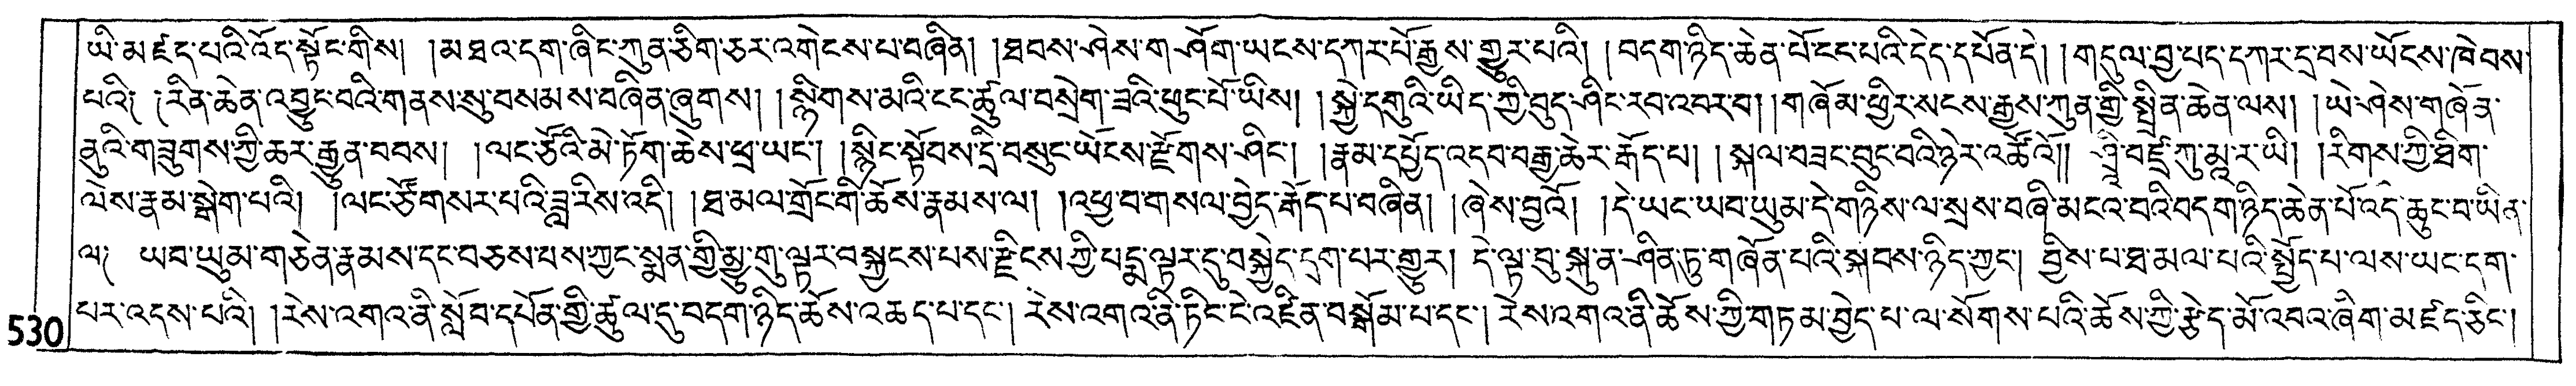ཡི་མཛད་པའི་འོད་སྟོང་གིས། །མཐའ་དག་ཞིང་ཀུན་ཅིག་ཅར་འགེངས་པ་བཞིན། །ཐབས་ཤེས་གཤོག་ཡངས་དཀར་པོ་རྒྱས་གྱུར་པའི། །བདག་ཉིད་ཆེན་པོ་ངང་པའི་དེད་དཔོན་དེ། །གདུལ་བྱ་པད་དཀར་དྲ་བས་ཡོངས་ཁེབས་
པའི། །རིན་ཆེན་འབྱུང་བའི་གནས་སུ་བསམས་བཞིན་ཞུགས། །སྙིགས་མའི་ངང་ཚུལ་བསྲེག་ཟའི་ཕུང་པོ་ཡིས། །སྐྱེ་དགུའི་ཡིད་ཀྱི་བུད་ཤིང་རབ་འབར་བ། །གཞོམ་ཕྱིར་སངས་རྒྱས་ཀུན་གྱི་སྤྲིན་ཆེན་ལས། །ཡེ་ཤེས་གཞོན་
ནུའི་གཟུགས་ཀྱི་ཆར་རྒྱུན་བབས། །ལང་ཙོའི་མེ་ཏོག་ཆེས་ཕྲ་ཡང་། །སྙིང་སྟོབས་དྲི་བསུང་ཡོངས་རྫོགས་ཤིང་། །རྣམ་དཔྱོད་འདབ་བརྒྱ་ཆེར་རྒོད་པ། །སྐལ་བཟང་བུང་བའི་ཉེར་འཚོའོ།། ཤྲཱི་བཛྲ་ཀུ་མཱ་ར་ཡི། །རིགས་ཀྱི་ཐིག་
ལེས་རྣམ་སྒེག་པའི། །ལང་ཙོ་གསར་པའི་ཟླ་རིས་འདི། །ཐ་མལ་གྲོང་གི་ཆོས་རྣམས་ལ། །འཕྱ་བ་གསལ་བྱེད་རྒོད་པ་བཞིན། །ཞེས་བྱའོ། །དེ་ཡང་ཡབ་ཡུམ་དེ་གཉིས་ལ་སྲས་བཞི་མངའ་བའི་བདག་ཉིད་ཆེན་པོ་འདི་ཆུང་བ་ཡིན་
ལ། ཡབ་ཡུམ་གཅེན་རྣམས་དང་བཅས་པས་ཀྱང་སྨན་གྱི་མྱུ་གུ་ལྟར་བསྐྱངས་པས་རྫིངས་ཀྱི་པདམ་ལྟར་དུ་བསྐྱེད་དྲག་པར་གྱུར། དེ་ལྟ་བུ་སྐུ་ན་ཤིན་ཏུ་གཞོན་པའི་སྐབས་ཉིད་ཀྱང་། བྱིས་པ་ཐ་མལ་པའི་སྤྱོད་པ་ལས་ཡང་དག་
པར་འདས་པའི། །རེས་འགའ་ནི་སློབ་དཔོན་གྱི་ཚུལ་དུ་བདག་ཉིད་ཆོས་འཆད་པ་དང་། རེས་འགའ་ནི་ཏིང་ངེ་འཛིན་བསྒོམ་པ་དང་། རེས་འགའ་ནི་ཆོས་ཀྱི་གཏམ་བྱེད་པ་ལ་སོགས་པའི་ཆོས་ཀྱི་རྩེད་མོ ༣འབའ་ཞིག་མཛད་ཅིང་།